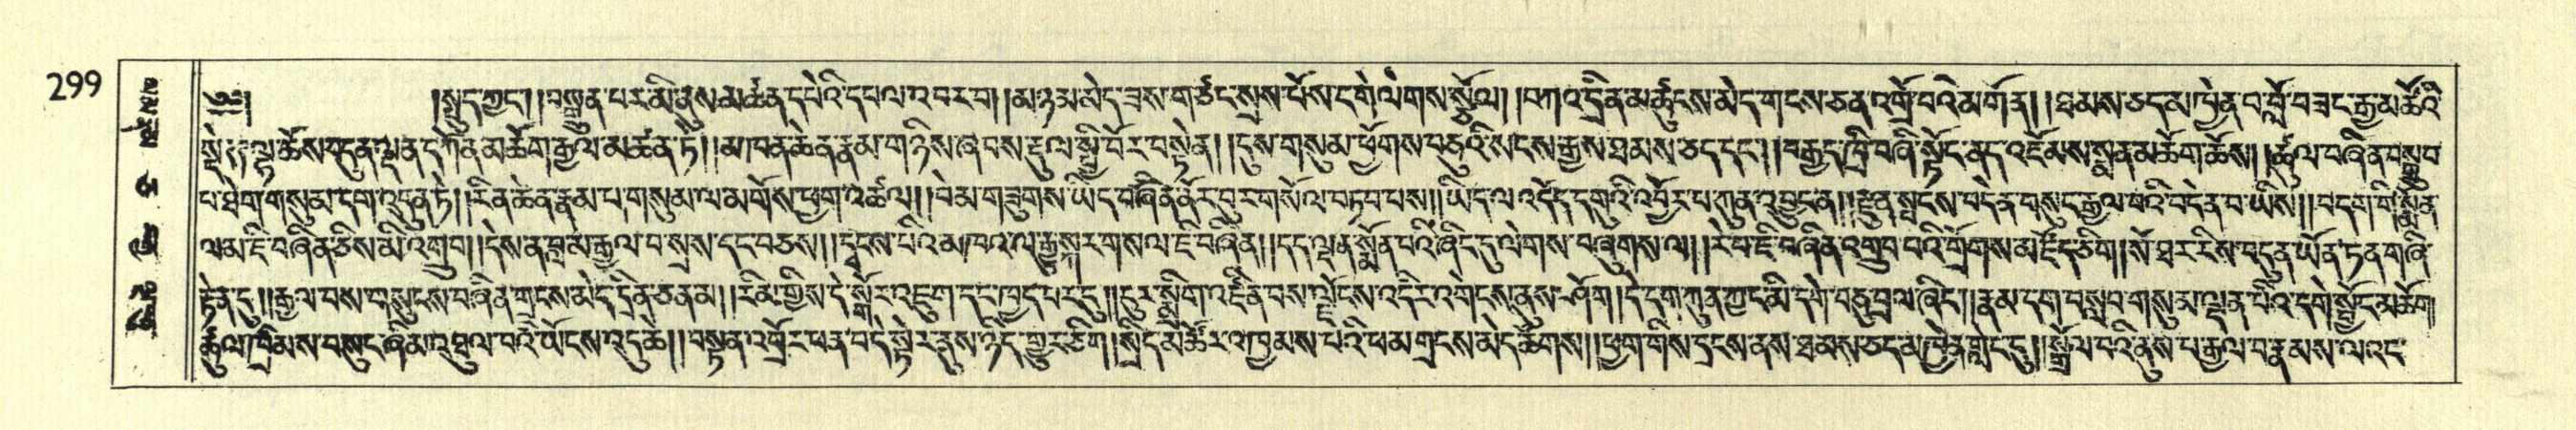༄༅། །སྤུད་ཀྱང་། །བསྒྲུན་པར་མི་ནུས་མཚན་དཔེའི་དཔལ་འབར་བ། །མཉམ་མེད་ཟས་གཙང་སྲས་པོས་དགེ་ལེགས་སྩོལ། །བཀའ་དྲིན་མཚུངས་མེད་གངས་ཅན་འགྲོ་བའི་མགོན། །ཐམས་ཅད་མཁྱེན་བ་བློ་བཟང་རྒྱ་མཚོའི་
སྡེ༑ ༑ལྷ་ཆོས་བདུན་ལྡན་དཀོན་མཆོག་རྒྱལ་མཚན་ཏེ། །མཁན་ཆེན་རྣམ་གཉིས་ཞབས་རྡུལ་སྤྱི་བོར་བསྟེན། །དུས་གསུམ་ཕྱོགས་བཅུའི་སངས་རྒྱས་ཐམས་ཅད་དང་། །བརྒྱད་ཁྲི་བཞི་སྟོང་ནད་འཇོམས་སྨན་མཆོག་ཆོས། །ཚུལ་བཞིན་བསྒྲུབ་
པ་ཐེག་གསུམ་དག་འདུན་ཏེ། །རིན་ཆེན་རྣམ་པ་གསུམ་ལ་མགོས་ཕྱག་འཚལ། །བེམ་གཟུགས་ཡིད་བཞིན་ནོར་བུར་གསོལ་བཏབ་པས། །ཡིད་ལ་འདོད་དགུའི་འབྱོར་པ་ཀུན་འབྱུང་ན། །རྫུན་སྤངས་བདེན་གསུང་རྒྱལ་བའི་བདེན་པ་ཡིས། །བདག་གི་སྨོན་
ལམ་ཇི་བཞིན་ཅིས་མི་འགྲུབ། །དེས་ན་བླ་མ་རྒྱལ་བ་སྲས་དང་བཅས། །དྭངས་པའི་མཁའ་ལ་རྒྱུ་སྐར་གསལ་ཇི་བཞིན། །དད་ལྡན་སྨོན་པའི་ཞིང་དུ་ལེགས་བཞུགས་ལ། །རེ་བ་ཇི་བཞིན་འགྲུབ་པའི་གྲོགས་མཛོད་ཅིག །སོ་ཐར་རིས་བདུན་ཡོན་ཏན་གཞི་
རྟེན་དུ། །རྒྱལ་བས་གསུངས་བཞིན་གྲངས་མེད་དྲིན་ཅན་མ། །རིམ་གྱིས་དེ་སྒོར་འཇུག་དང་ཁྱད་པར་དུ། །དུར་སྨྲིག་འཛིན་བས་ལྗོངས་འདིར་འགེངས་ནུས་ཤོག །དེ་དག་ཀུན་ཀྱང་མི་དགེ་བཅུ་བྲལ་ཞིང་། །རྣམ་དག་བསླབ་གསུམ་ལྡན་པའི་དགེ་སྦྱོང་མཆོག།
ཚུལ་ཁྲིམས་བསུང་ཞིམ་འཐུལ་བའི་ཡོངས་འདུ་ཆེ། །བསྟན་འཕྲོར་ཕན་བདེ་སྟེར་ནུས་ཉིད་གྱུར་ཅིག །སྲིད་མཚོར་འཁྱམས་པའི་ཕམ་གྲངས་མེད་ཚོགས། །ཕྱག་གིས་དྲངས་ནས་ཐམས་ཅད་མཁྱེན་གླེང་དུ། །སྒྲོལ་བའི་ནུས་པ་རྒྱལ་བ་རྣམས་ལའང་